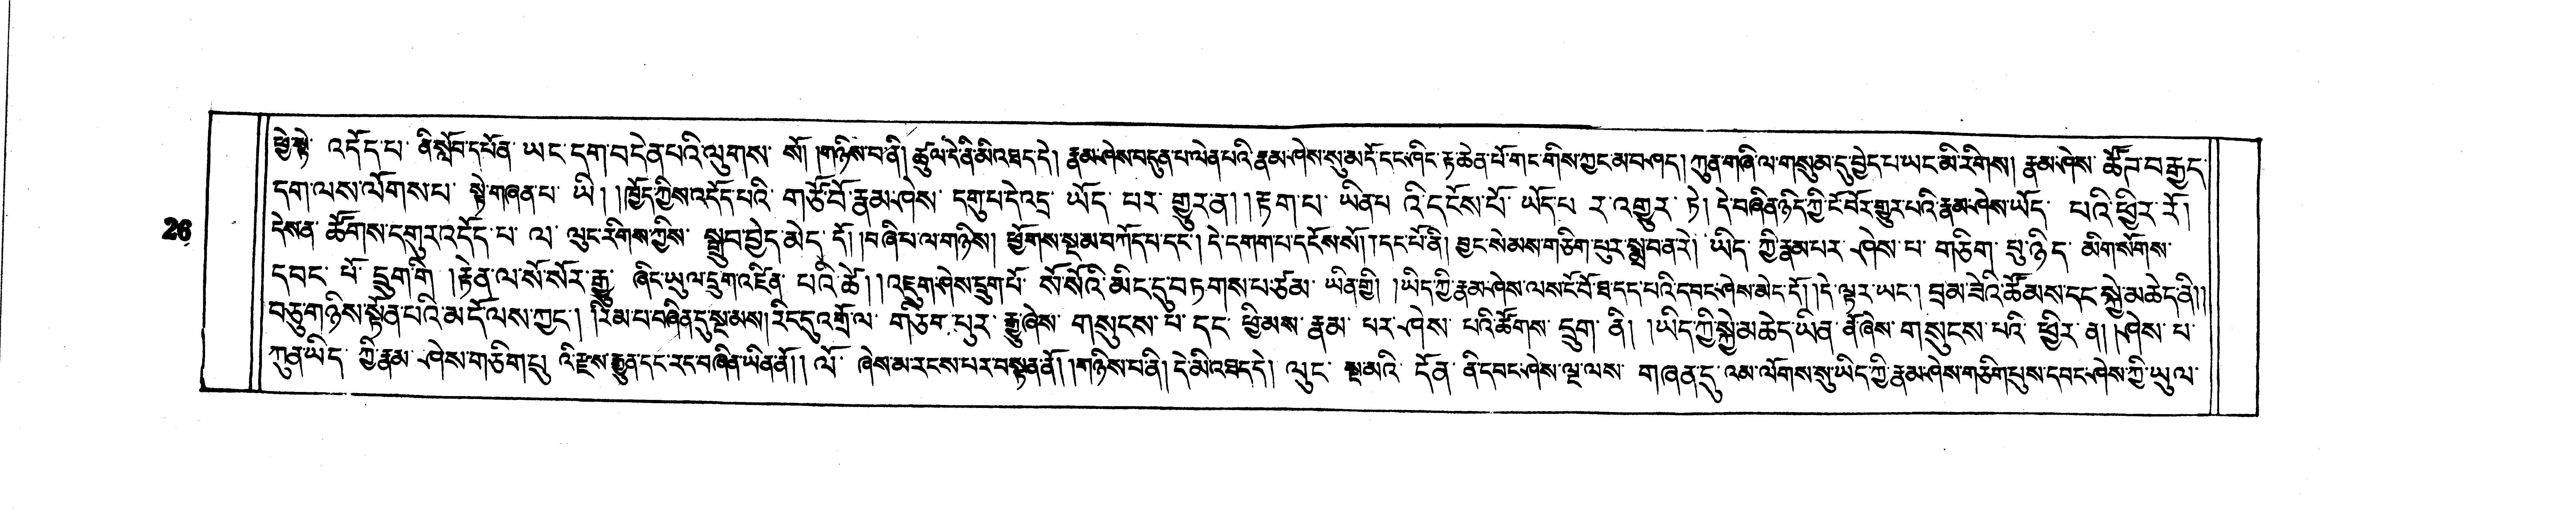ཕྱེ་སྟེ་འདོད་པ་ནི་སློབ་དཔོན་ཡང་དག་བདེན་པའི་ལུགས་སོ། །གཉིས་པ་ནི། ཚུལ་དེ་ནི་མི་འཐད་དེ། རྣམ་ཤེས་བདུན་པ་ལེན་པའི་རྣམ་ཤེས་སུ་མདོ་དང་ཤིང་རྟ་ཆེན་པོ་གང་གིས་ཀྱང་མ་བཤད། ཀུན་གཞི་ལ་གསུམ་དུ་བྱེད་པ་ཡང་མི་རིགས། རྣམ་ཤེས་ཚོགས་བརྒྱད་
དག་ལས་ལོགས་པ་སྟེ་གཞན་པ་ཡི། །ཁྱོད་ཀྱིས་འདོད་པའི་གཙོ་བོ་རྣམ་ཤེས་དགུ་པ་དེ་འདྲ་ཡོད་པར་གྱུར་ན། །རྟག་པ་ཡིན་པའི་དངོས་པོ་ཡོད་པར་འགྱུར་ཏེ། དེ་བཞིན་ཉིད་ཀྱི་ངོ་བོར་གྱུར་པའི་རྣམ་ཤེས་ཡོད་པའི་ཕྱིར་རོ།
དེས་ན་ཚོགས་དགུར་འདོད་པ་ལ་ལུང་རིགས་ཀྱིས་སྒྲུབ་བྱེད་མེད་དོ། །བཞི་པ་ལ་གཉིས། ཕྱོགས་སྔ་མ་བཀོད་པ་དང་། དེ་དགག་པ་དངོས་སོ། །དང་པོ་ནི། བྱང་སེམས་གཅིག་པུར་སྨྲ་བ་ན་རེ། ཡིད་ཀྱི་རྣམ་པར་ཤེས་པ་གཅིག་པུ་ཉིད་མིག་སོགས་
དབང་པོ་དྲུག་གི །རྟེན་ལ་སོ་སོར་རྒྱུ་ཞིང་ཡུལ་དྲུག་འཛིན་པའི་ཚེ། །འཇུག་ཤེས་དྲུག་པོ་སོ་སོའི་མིང་དུ་བཏགས་པ་ཙམ་ཡིན་གྱི། །ཡིད་ཀྱི་རྣམ་ཤེས་ལས་ངོ་བོ་ཐ་དད་པའི་དབང་ཤེས་མེད་དོ། །དེ་ལྟར་ཡང་། བྲམ་ཟེའི་ཚོམས་དང་སྐྱེ་མཆེད་ནི།།
བཅུ་གཉིས་སྟོན་པའི་མདོ་ལས་ཀྱང་། །རིམ་པ་བཞིན་དུ་སྔ་མས། རིང་དུ་འགྲོ་ལ་གཅིག་པུར་རྒྱུ་ཞེས་གསུངས་པ་དང་ཕྱི་མས་རྣམ་པར་ཤེས་པའི་ཚོགས་དྲུག་ནི། །ཡིད་ཀྱི་སྐྱེ་མཆེད་ཡིན་ནོ་ཞེས་གསུངས་པའི་ཕྱིར་ན། །ཤེས་པ་
ཀུན་ཡིད་ཀྱི་རྣམ་ཤེས་གཅིག་པུའི་རྫས་རྒྱུན་དང་རང་བཞིན་ཡིན་ནོ། །ལོ་ཞེས་མ་རངས་པར་བསྟན་ནོ། །གཉིས་པ་ནི། དེ་མི་འཐད་དེ། ལུང་སྔ་མའི་དོན་ནི་དབང་ཤེས་ལྔ་ལས་གཞན་དུ་འམ་ལོགས་སུ་ཡིད་ཀྱི་རྣམ་ཤེས་གཅིག་པུས་དབང་ཤེས་ཀྱི་ཡུལ་